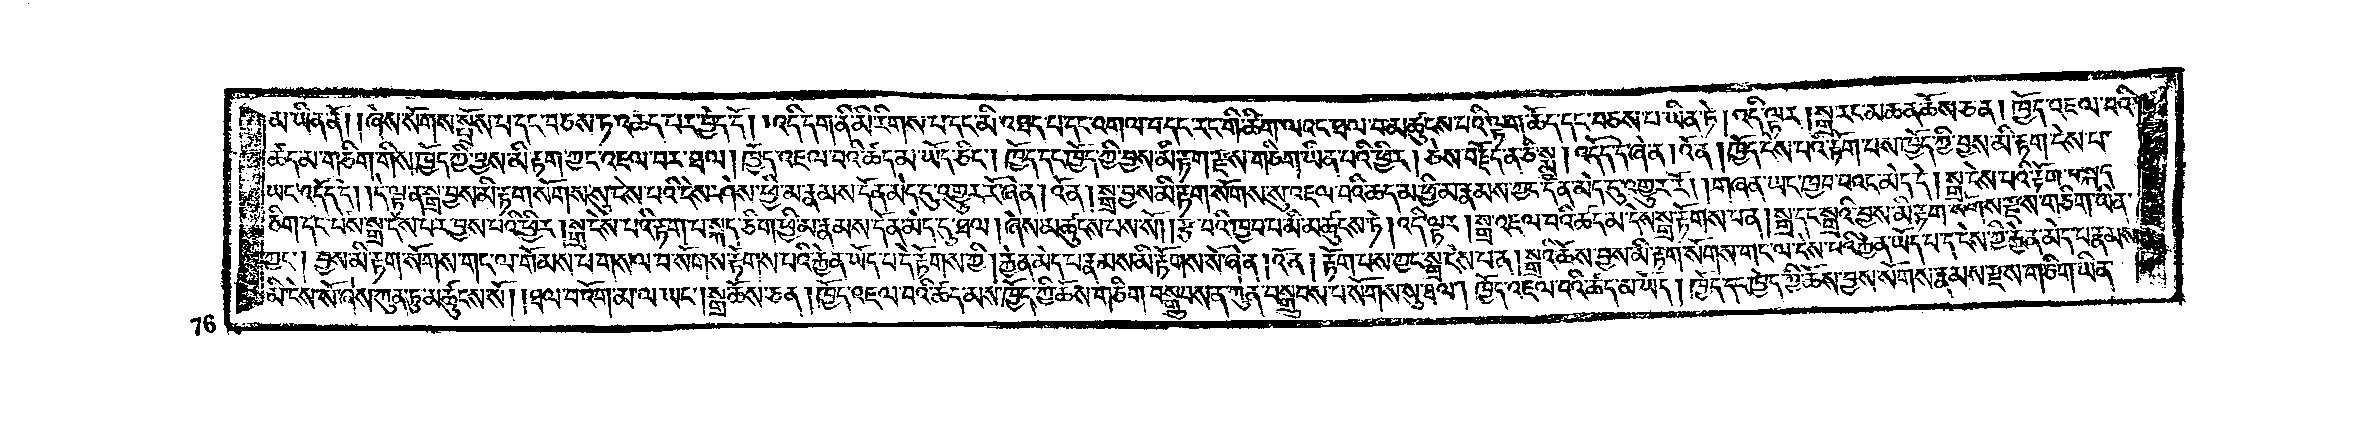མ་ཡིན་ནོ། །ཞེས་སོགས་སྤྲོས་པ་དང་བཅས་ཏ་འཆད་པར་བྱེད་དོ། །འདི་དག་ནི་མི་རིགས་པ་དང་མི་འཐད་པ་དང་འགལ་བ་དང་རང་གི་ཚིག་ལའང་ཐལ་བ་མཚུངས་པའི་ལྟག་ཆོད་དང་བཅས་པ་ཡིན་ཏེ། འདི་ལྟར། སྒྲ་རང་མཚན་ཆོས་ཅན། ཁྱོད་འཇལ་?་བའི་
ཚད་མ་གཅིག་གིས་ཁྱོད་ཀྱི་བྱས་མི་རྟག་ཀྱང་འཇལ་བར་ཐལ། ཁྱོད་འཇལ་བའི་ཚད་མ་ཡོད་ཅིང་། ཁྱོད་དང་ཁྱོད་ཀྱི་བྱས་མི་རྟག་རྫས་གཅིག་ཡིན་པའི་ཕྱིར། ཅེས་བརྗོད་ན་ཅི་སྨྲ། འདོད་དེ་ཞེ་ན། འོ་ན། ཁྱོད་ངེས་པའི་རྟོག་པས་ཁྱོད་ཀྱི་བྱས་མི་རྟག་ངེས་པ་
ཡང་འདོད་དེ། །དེ་ལྟ་ན་སྒྲ་བྱས་མི་རྟག་སོགས་སུ་ངས་པའི་ངེས་ཤེས་ཕྱི་མ་རྣམས་དོན་མེད་དུ་འགྱུར་རོ་ཞེ་ན། འོ་ན་སྒྲ་བྱས་མི་རྟག་སོགས་སུ་འཇལ་བའི་ཚད་མ་ཕྱི་མ་རྣམས་ཀྱང་དོན་མེད་དུ་འགྱུར་རོ། །གཞན་ཡང་ཁྱབ་པའང་མེད་དེ། སྒྲ་ངེས་པའི་རྟོག་པ་སྐད་
ཅིག་དང་པོས་སྒྲ་ངེས་པར་བྱས་པའི་ཕྱིར། སྒྲ་ངེས་པའི་རྟག་པ་སྐད་ཅིག་ཕྱི་མ་རྣམས་དོན་མེད་དུ་ཐལ། ཞེས་མཚུངས་པས་སོ། །རྩ་བའི་ཁྱབ་པ་མི་མཚུངས་ཏེ། འདི་ལྟར། སྒྲ་འཇལ་བའི་ཚད་མ་དེས་སྒྲ་རྟོགས་པ་ན། སྒྲ་དང་སྒྲའི་བྱས་མི་རྟག་སོགས་རྫས་གཅིག་ཡིན་
ཀྱང་། བྱས་མི་རྟག་སོགས་གང་ལ་གོམས་པ་གསལ་བ་སོགས་རྟོགས་པའི་རྐྱེན་ཡོད་པ་དེ་རྟོགས་ཀྱི། རྐྱེན་མེད་པ་རྣམས་མི་རྟོགས་སོ་ཞེ་ན། འོ་ན། རྟོག་པས་ཀྱང་སྒྲ་ངེས་པ་ན། སྒྲའི་ཆོས་བྱས་མི་རྟག་སོགས་གང་ལ་ངེས་པའི་རྐྱེན་ཡོད་པ་ད་ངེས་ཀྱི་རྐྱེན་མེད་པ་རྣམས་
མི་ངེས་སོ་ཞེས་ཀུན་ཏུ་མཚུངས་སོ། །ཐལ་བ་འོག་མ་ལ་ཡང་། སྒྲ་ཆོས་ཅན། ཁྱོད་འཇལ་བའི་ཚད་མས་ཁྱོད་ཀྱི་ཆོས་གཅིག་བསྒྲུབས་ན་ཀུན་བསྒྲུབས་པ་སོགས་སུ་ཐལ། ཁྱོད་འཇལ་བའི་ཚད་མ་ཡོད། ཁྱོད་དང་ཁྱོད་ཀྱི་ཆོས་བྱས་སོགས་རྣམས་རྫས་གཅིག་ཡིན་